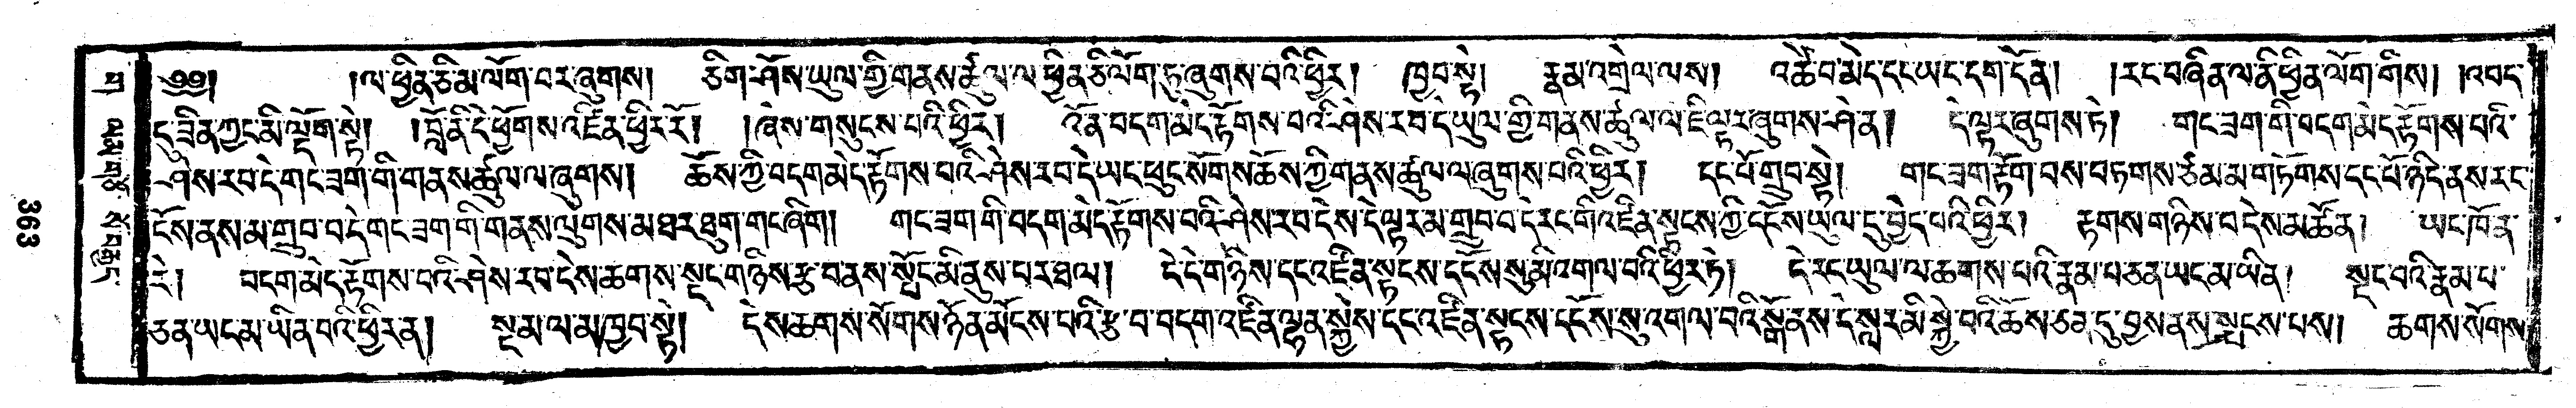༄༅། །ལ་ཕྱིན་ཅི་མ་ལོག་བར་ཞུགས། ཅིག་ཤོས་ཡུལ་གྱི་གནས་ཚུལ་ལ་ཕྱིན་ཅི་ལོག་ཏུ་ཞུགས་བའི་ཕྱིར། ཁྱབ་སྟེ། རྣམ་འགྲེལ་ལས། འཚེ་བ་མེད་དང་ཡང་དག་དོན། །རང་བཞིན་ལ་ནི་ཕྱིན་ལོག་གིས། །འབད་
དུ་ཟིན་ཀྱང་མི་ལྡོག་སྟེ། །བློ་ནི་དེ་ཕྱོགས་འཛིན་ཕྱིར་རོ། །ཞེས་གསུངས་པའི་ཕྱིར། འོ་ན་བདག་མེད་རྟོགས་པའི་ཤེས་རབ་དེ་ཡུལ་གྱི་གནས་ཚུལ་ལ་ཇི་ལྟར་ཞུགས་ཤེ་ན། དེ་ལྟར་ཞུགས་ཏེ། གང་ཟག་གི་བདག་མེད་རྟོགས་པའི་
ཤེས་རབ་དེ་གང་ཟག་གི་གནས་ཚུལ་ལ་ཞུགས། ཆོས་ཀྱི་བདག་མེད་རྟོགས་པའི་ཤེས་རབ་དེ་ཡང་ཕུང་སོགས་ཆོས་ཀྱི་གནས་ཚུལ་ལ་ཞུགས་པའི་ཕྱིར། དང་པོ་གྲུབ་སྟེ། གང་ཟག་རྟོག་པས་བཏགས་ཙམ་མ་གཏོགས་དང་པོ་ཉིད་ནས་རང་
ངོས་ནས་མ་གྲུབ་བ་དེ་གང་ཟག་གི་གནས་ལུགས་མཐར་ཐུག་གང་ཞིག། གང་ཟག་གི་བདག་མེད་རྟོགས་པའི་ཤེས་རབ་དེས་དེ་ལྟར་མ་གྲུབ་བ་དེ་རང་གི་འཛིན་སྟངས་ཀྱི་དངོས་ཡུལ་དུ་བྱེད་པའི་ཕྱིར། རྟགས་གཉིས་བ་དེས་མཚོན། ཡང་ཁོ་ན་
རེ། བདག་མེད་རྟོགས་པའི་ཤེས་རབ་དེས་ཆགས་སྡང་གཉིས་རྩ་བ་ནས་སྤོང་མི་ནུས་པར་ཐལ། དེ་དེ་གཉིས་དང་འཛིན་སྟངས་དངོས་སུ་མི་འགལ་བའི་ཕྱིར་ཏེ། དེ་རང་ཡུལ་ལ་ཆགས་པའི་རྣམ་པ་ཅན་ཡང་མ་ཡིན། སྡང་བའི་རྣམ་པ་
ཅན་ཡང་མ་ཡིན་བའི་ཕྱིར་ན། སྔ་མ་ལ་མ་ཁྱབ་སྟེ། དེས་ཆགས་སོགས་ཉོན་མོངས་པའི་རྩ་བ་བདག་འཛིན་ལྷན་སྐྱེས་དང་འཛིན་སྟངས་དངོས་སུ་འགལ་བའི་སྒོ་ནས་དེ་སླར་མི་སྐྱེ་བའི་ཆོས་ཅན་དུ་བྱས་ནས་སྤངས་པས། ཆགས་སོགས་